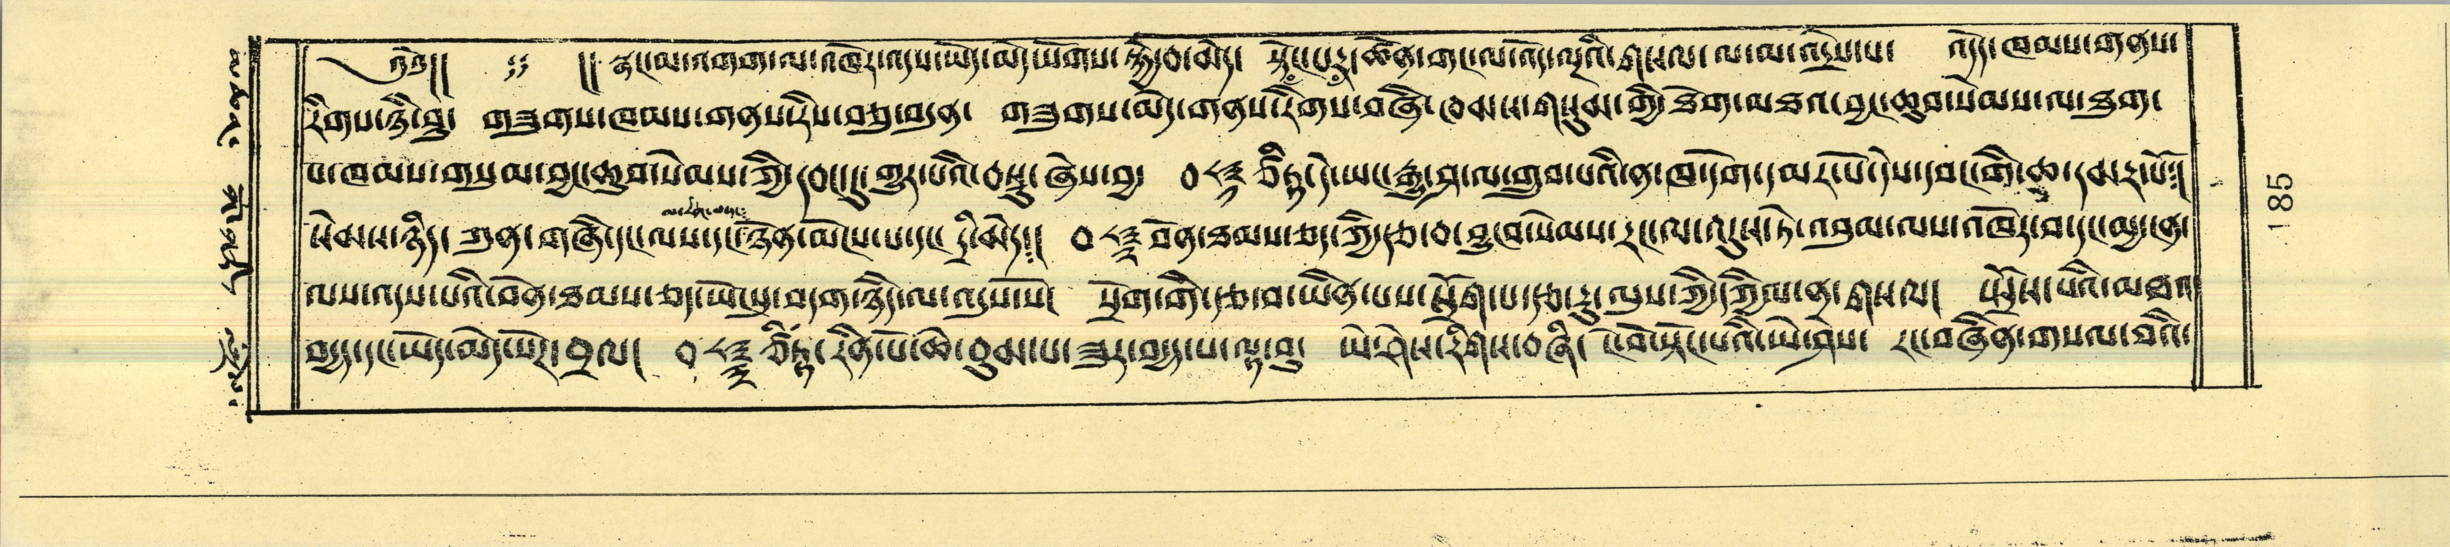སྣང་མ་འགག་ལ་འཁོར་འདས་ཡོད་མེད་སོགས་༼སྐྱེ་བ་མེད༽སྟོང་པར་ཚོན་གང་ལ་འོད་ལྔའི་༼གསལ༽ལ་མ་འདྲེས་པ་འདོད་ཁམས་གནས་
རིགས་ཉི་ཤུ་གཟུགས་ཁམས་གནས་རིས་བཅུ་བདུན་གཟུགས་མེད་གནས་རིགས་བཞི་༼ཁམས་གསུམ༽གྱི་ཐོག་མཐའ་བྱང་ཆུབ་སེམས་ལ་ཐུག་
པ་ཁམས་གསུམ་བྱང་ཆུབ་སེམས་ཀྱི་༼དབང་དུ་༽གྱུར་པའི་༼བསྡུ་བ༽ཞེས་བྱ། བ༨༣།༡༼ཙིརྟ༽དེ་ཡང་རྒྱུ་ཤ་ལས་གྲུབ་པའི་ཁ་དོག་དམར་པོ་དེས་དབང་ཆ་༼དམར་པོ༽
༼སེམས་ཉིད༽ཀུན་གཞི་དང་ལས་དང་མ་རིག་པ་དང་ཉོན་མོངས་པ་དང་༼དྲི་མེད༽བ༨༣།༢བོན་ཐམས་ཅད་ཀྱི་༼རྩ་བ༽བྱང་ཆུབ་སེམས་༼རང་ལ་འདུས༽ཏེ་འབུམ་ལས་འཁོར་བ་དང་མྱ་ངན་
ལས་འདས་པའི་བོན་ཐམས་ཅད་ཡོངས་སུ་བདག་ཉིད་ལ་འདུས་སོ། སྲོག་གི་རྩ་བ་ཡིན་པས་༼སྲོག་པ་རྩ་རུ༽ལུས་ཀྱི་དཀྱིལ་ན་༼གསལ༽༼སྤྲོས༽པའི་མཐའ་
བརྒྱད་དང་ཡོད་མེད་སོགས་༼བྲལ༽བ༨༣།༣༼ཙིརྟ༽རིན་པོ་ཆེ་༼བུམ་པ༽ཟུར་བརྒྱད་པ་ལྟ་བུ། ༼ཡེ་ཤཻས་རིགས་བཞི༽ངོ་བོ་སྟོང་པའི་ཡེ་ཤེས་རང་བཞིན་གསལ་བའི་